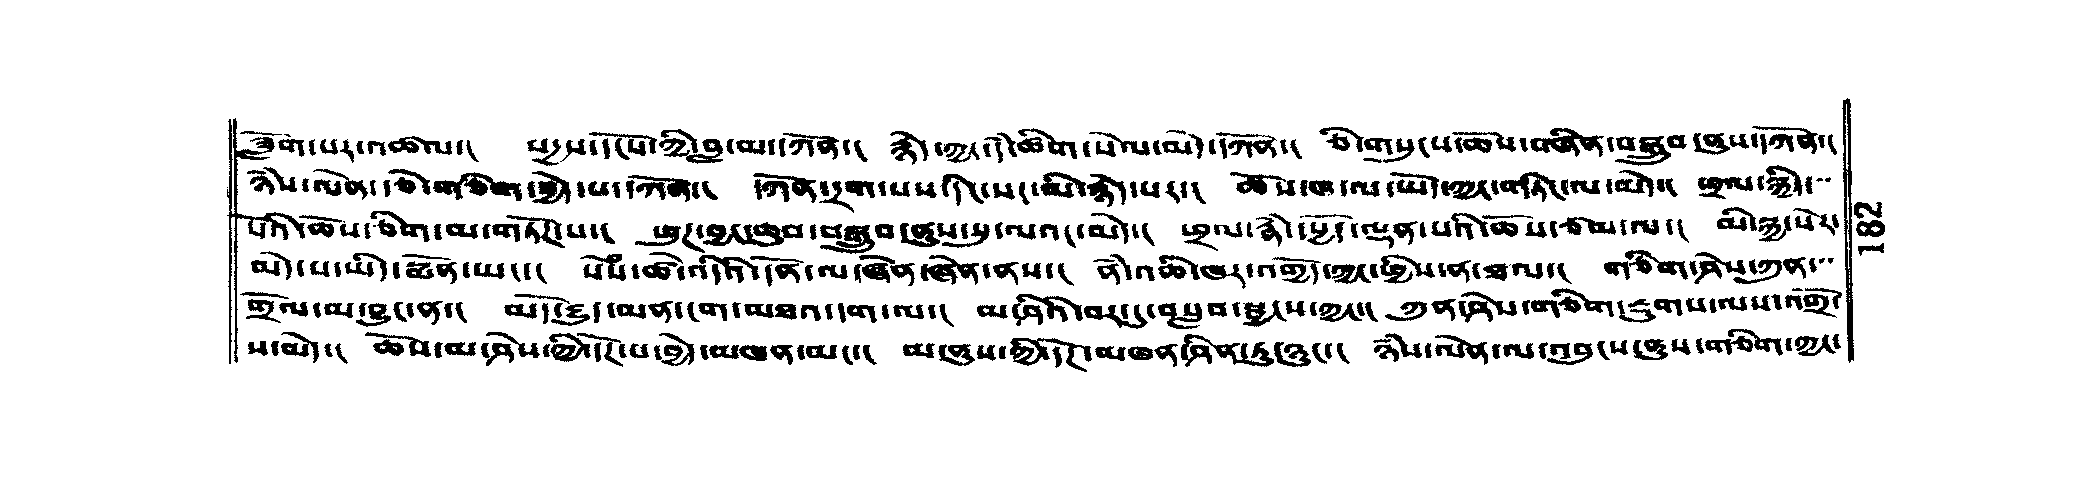ཟློག་པར་འཚལ། །སངས་རྒྱས་དངོས་ཀྱི་བླ་མ་དཀོན། །རྙེད་ཀྱང་དམ་ཚིག་སེལ་མེད་དཀོན། །ཅི་གསུངས་ཆོས་བཞིན་བསྒྲུབ་ནུས་དཀོན། །
ཉམས་ལེན་ཅི་གཅིག་བྱེད་པ་དཀོན། །དཀོན་དྲག་པས་དེང་སང་མི་རྙེད་པར། །ཆོས་ཁ་ལ་ཡོད་ཀྱང་གཏིང་ལ་མེད། །ཕྲལ་སྐྱིད་
པོའི་ཆོས་ཅིག་མ་གཏོགས་པ། །ཕུགས་བྱང་ཆུབ་བསྒྲུབ་ནུས་སུ་ལའང་མེད། །ཕྲལ་རྣམ་དཔྱོད་ལྡན་པའི་ཆོས་ཙམ་ལ། །མི་སྐྱ་སེར་
མེད་པ་ཡིད་སྨོན་ཡང་། །སེམས་ཚེ་འདིའི་དོན་ལ་ཞེན་ཞེན་ནས། །ནམ་འཆི་ཁར་འགྱོད་ཀྱང་ཕྱིས་ན་ཐལ། །གཅིག་ཤེས་ཀུན་
གྲོལ་མ་བྱུང་ན། །མདོ་རྒྱུད་མན་ངག་མཐའ་དག་ལ། །མ་ཤིའི་བར་དུ་བསླབ་སྦྱངས་ཀྱང་། །ཀུན་ཤེས་གཅིག་རྡུགས་ལས་འགྲོ་
ས་མེད། །ཆོས་མ་ཤེས་ཀྱི་དོགས་པ་བྱེད་མཁན་མང། །མ་ནུས་ཀྱི་དོགས་མཁན་ཤིན་ཏུ་ཉུང་། །ཉམས་ལེན་ལ་འབུངས་ནུས་གཅིག་ཀྱང་